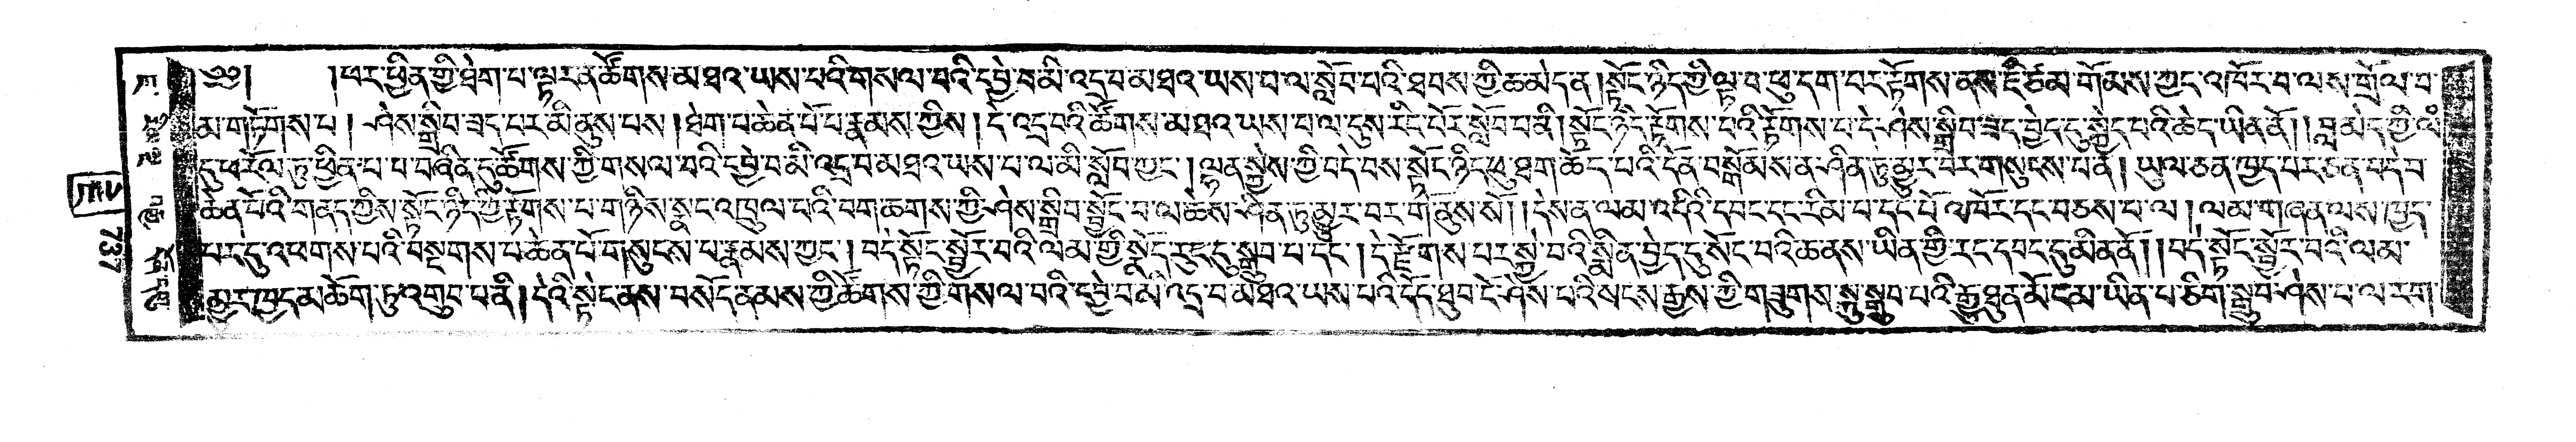༄༅། །ཕར་ཕྱིན་གྱི་ཐེག་པ་ལྟར་ན་ཚོགས་མཐའ་ཡས་པའི་གསལ་བའི་དབྱེ་བ་མི་འདྲ་བ་མཐའ་ཡས་པ་ལ་སློབ་པའི་ཐབས་ཀྱི་ཆ་མེད་ན། སྟོང་ཉིད་ཀྱི་ལྟ་བ་ཕུ་དག་པར་རྟོགས་ནས་ཇི་ཙམ་གོམས་ཀྱང་འཁོར་བ་ལས་གྲོལ་བ་
མ་གཏོགས་པ། ཤེས་སྒྲིབ་ཟད་པར་མི་ནུས་པས། ཐེག་པ་ཆེན་པོ་པ་རྣམས་ཀྱིས། དེ་འདྲ་བའི་ཚོགས་མཐའ་ཡས་པ་ལ་དུས་རིང་པོར་སློབ་པ་ནི། སྟོང་ཉིད་རྟོགས་པའི་རྟོགས་པ་དེ་ཤེས་སྒྲིབ་ཟད་བྱེད་དུ་སྐྱེད་པའི་ཆེད་ཡིན་ནོ། །བླ་མེད་ཀྱི་ལམ་
དུ་ཕ་རོལ་ཏུ་ཕྱིན་པ་བ་བཞིན་དུ་ཚོགས་ཀྱི་གསལ་བའི་དབྱེ་བ་མི་འདྲ་བ་མཐའ་ཡས་པ་ལ་མི་སློབ་ཀྱང་། ལྷན་སྐྱེས་ཀྱི་བདེ་བས་སྟོང་ཉིད་དུ་ཐག་ཆོད་པའི་དོན་བསྒོམས་ན་ཤིན་ཏུ་མྱུར་བར་གསུངས་པ་ན། ཡུལ་ཅན་ཁྱད་པར་ཅན་བདེ་བ་
ཆེན་པོའི་གནད་ཀྱིས་སྟོང་ཉིད་ཀྱི་རྟོགས་པ་གཉིས་སྣང་འཁྲུལ་པའི་བག་ཆགས་ཀྱི་ཤེས་སྒྲིབ་སྦྱོང་བ་ལ་ཆེས་ཤིན་ཏུ་མྱུར་བར་གོ་ནུས་སོ། །དེས་ན་ལམ་འདིའི་དབང་དང་རིམ་པ་དང་པོ་འཁོར་དང་བཅས་པ་ལ། ལམ་གཞན་ལས་ཁྱད་
པར་དུ་འཕགས་པའི་བསྔགས་པ་ཆེན་པོ་གསུངས་པ་རྣམས་ཀྱང་། བདེ་སྟོང་སྦྱོར་བའི་ལམ་གྱི་སྣོད་རུང་དུ་སྒྲུབ་པ་དང་། དེ་རྫོགས་པར་སྐྱེ་བའི་སྨིན་བྱེད་དུ་སོང་བའི་ཆ་ནས་ཡིན་གྱི་རང་དབང་དུ་མིན་ནོ། །བདེ་སྟོང་སྦྱོར་བའི་ལམ་
མྱུར་ཁྱད་མཆོག་ཏུ་འགྲུབ་པ་ནི། དེའི་སྟེང་ནས་བསོད་ནམས་ཀྱི་ཚོགས་ཀྱི་གསལ་བའི་དབྱེ་བ་མི་འདྲ་བ་མཐའ་ཡས་པའི་དོད་ཐུབ་ངོ་ཤེས་པའི་སངས་རྒྱས་ཀྱི་གཟུགས་སྐུ་སྒྲུབ་པའི་རྒྱུ་ཐུན་མོང་མ་ཡིན་པ་ཅིག་སྒྲུབ་ཤེས་པ་ལ་རག་